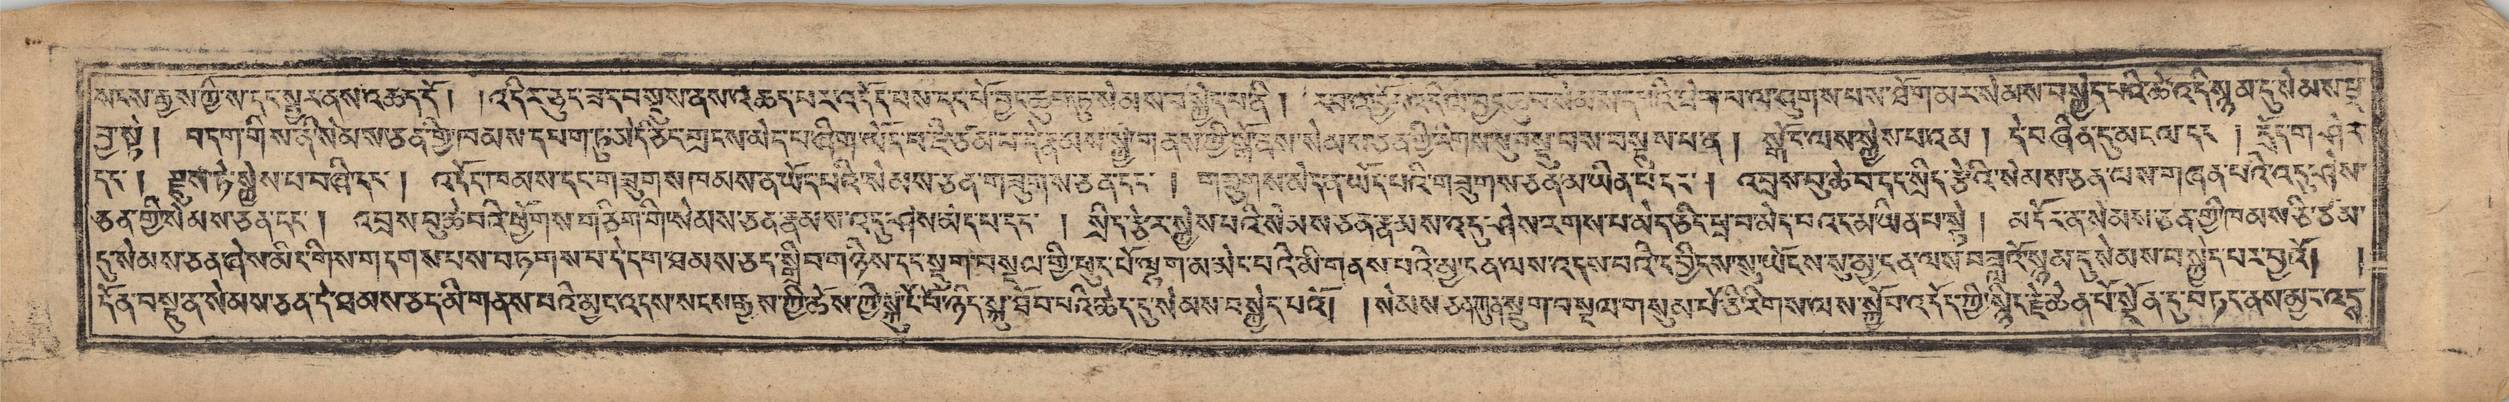སངས་རྒྱས་ཀྱི་ས་དང་སྦྱར་ནས་འཆད་དོ། །འདིར་ཅུང་ཟད་བསྡུས་ནས་འཆད་པར་འདོད་པས་དང་པོ་བྱང་ཆུབ་ཏུ་སེམས་བསྐྱེད་པ་ནི། རབ་འབྱོར་འདི་ལ་བྱང་ཆུབ་སེམས་དཔའི་ཐེག་པ་ལ་ཞུགས་པས་ཐོག་མར་སེམས་བསྐྱེད་པའི་ཚེ་འདི་སྙམ་དུ་སེམས་པར་
བྱ་སྟེ། བདག་གིས་ནི་སེམས་ཅན་གྱི་ཁམས་དཔག་ཏུ་མེད་ཅིང་གྲངས་མེད་པ་ཞིག་ཡོད་པ་ཇི་ཙམ་པ་དེ་རྣམས་སྐྱེ་གནསཁྱི་སྒོ་ནས་སེམས་ཅན་གྱི་རིགས་སུ་བསྡུ་བས་བསྡུས་པ་ན། སྒོ་ང་ལས་སྐྱེས་པའམ། དེ་བཞིན་དུ་མངལ་དང་། དྲོད་གཤེར་
དང་། རྫུས་ཏེ་སྐྱེས་པ་བཞི་དང་། འདོད་ཁམས་དང་གཟུགས་ཁམས་ན་ཡོད་པའི་སེམས་ཅན་གཟུགས་ཅན་དང་། གཟུགས་མེད་ན་ཡོད་པའི་གཟུགས་ཅན་མ་ཡིན་པ་དང་། འབྲས་བུ་ཆེ་བ་དང་སྲིད་རྩེའི་སེམས་ཅན་ལས་གཞན་པའི་འདུ་ཤེས་
ཅན་གྱི་སེམས་ཅན་དང་། འབྲས་བུ་ཆེ་བའི་ཕྱོགས་གཅིག་གི་སེམས་ཅན་རྣམས་འདུ་ཤེས་མེད་པ་དང་། སྲིད་རྩེར་སྐྱེས་པའི་སེམས་ཅན་རྣམས་འདུ་ཤེས་རགས་པ་མེད་ཅིང་ཕྲ་བ་མེད་པ་འང་མ་ཡིན་པ་སྟེ། མདོར་ན་སེམས་ཅན་གྱི་ཁམས་ཅི་ཙམ་
དུ་སེམས་ཅན་ཞེས་མིང་གིས་གདགས་པས་བཏགས་པ་དེ་དག་ཐམས་ཅད་སྒྲིབ་གཉིས་དང་སྡུག་བསྔལ་གྱི་ཕུང་པོ་ལྷག་མ་མེད་པའི་མི་གནས་པའི་མྱ་ངན་ལས་འདས་པའི་དབྱིངས་སུ་ཡོངས་སུ་མྱ་ངན་ལས་བཟླའོ་སྙམ་དུ་སེམས་བསྐྱེད་པར་བྱའོ། །
དོན་བསྡུ་ན་སེམས་ཅན་དེ་ཐམས་ཅད་མི་གནས་པའི་མྱང་འདས་སངས་རྒྱས་ཀྱི་ཆོས་ཀྱི་སྐུ་ངོ་བོ་ཉིད་སྐུ་ཐོབ་པའི་ཆེད་དུ་སེམས་བསྐྱེད་པའོ། །སེམས་ཅན་ཀུན་སྡུག་བསྔལ་གསུམ་པོ་ཅི་རིགས་ལས་སྐྱོབ་འདོད་ཀྱི་སྙིང་རྗེ་ཆེན་པོ་སྔོན་དུ་བཏང་ནས་མྱང་འདས་